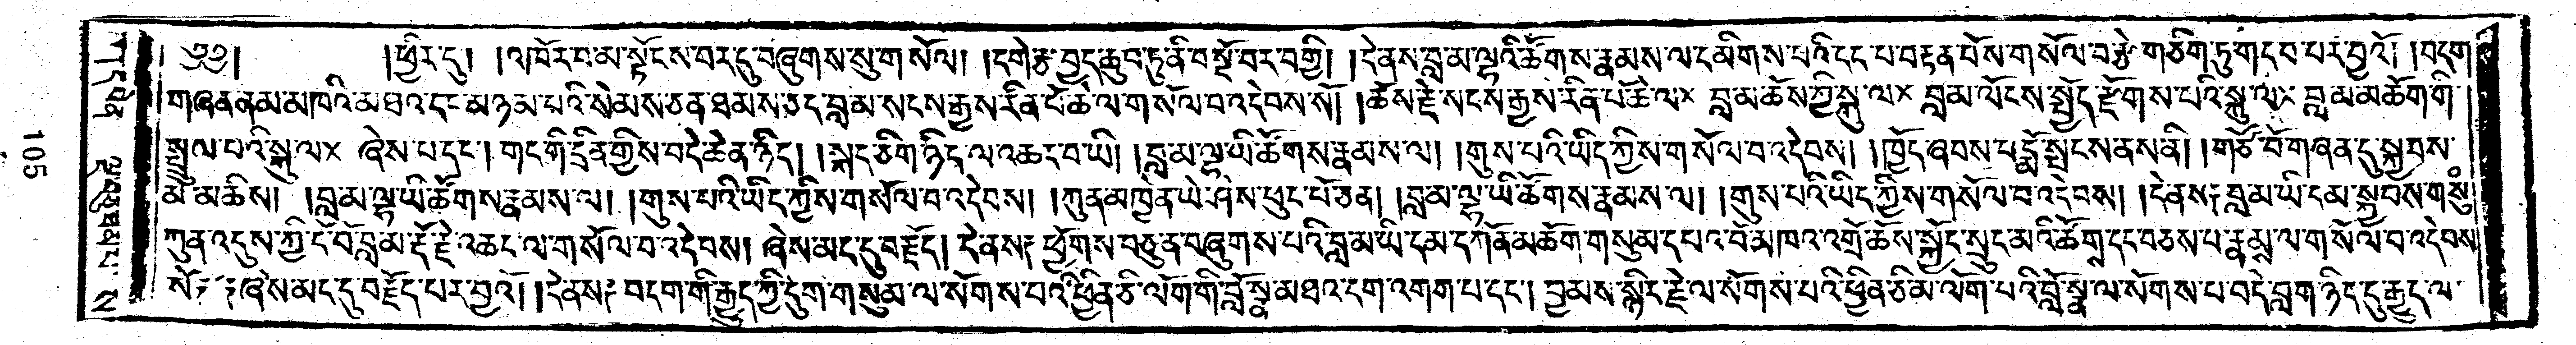༄༅། །ཕྱིར་དུ། །འཁོར་བ་མ་སྟོངས་བར་དུ་བཞུགས་སུ་གསོལ། །དགེ་རྩ་བྱང་ཆུབ་ཏུ་ནི་བསྔོ་བར་བགྱི། །དེ་ནས་བླ་མ་ལྷའི་ཚོགས་རྣམས་ལ་དམིགས་པའི་དད་པ་བརྟན་པོས་གསོལ་བ་རྩེ་གཅིག་ཏུ་གདབ་པར་བྱའོ། །བདག་
གཞན་ནམ་མཁའི་མཐའ་དང་མཉམ་པའི་སེམས་ཅན་ཐམས་ཅད་བླ་མ་སངས་རྒྱས་རིན་པོ་ཆེ་ལ་གསོལ་བ་འདེབས་སོ། །ཆོས་རྗེ་སངས་རྒྱས་རིན་པོ་ཆེ་ལ་྾་བླ་མ་ཆོས་ཀྱི་སྐུ་ལ་྾་བླ་མ་ལོངས་སྤྱོད་རྫོགས་པའི་སྐུ་ལ་྾་བླ་མ་མཆོག་གི་
སྤྲུལ་པའི་སྐུ་ལ་྾་ཞེས་པ་དང་། གང་གི་དྲིན་གྱིས་བདེ་ཆེན་ཉིད། །སྐད་ཅིག་ཉིད་ལ་འཆར་བ་ཡི། །བླ་མ་ལྷ་ཡི་ཚོགས་རྣམས་ལ། །གུས་པའི་ཡིད་ཀྱིས་གསོལ་བ་འདེབས། །ཁྱོད་ཞབས་པདམོ་སྤངས་ནས་ནི། །གཙོ་བོ་གཞན་དུ་སྐྱབས་
མ་མཆིས། །བླ་མ་ལྷ་ཡི་ཚོགས་རྣམས་ལ། །གུས་པའི་ཡིད་ཀྱིས་གསོལ་བ་འདེབས། །ཀུན་མཁྱེན་ཡེ་ཤེས་ཕུང་པོ་ཅན། །བླ་མ་ལྷ་ཡི་ཚོགས་རྣམས་ལ། །གུས་པའི་ཡིད་ཀྱིས་གསོལ་བ་འདེབས། །དེ་ནས༑ བླ་མ་ཡི་དམ་སྐྱབས་གསུཾ་
ཀུན་འདུས་ཀྱི་ངོ་བོ་བླ་མ་རྡོ་རྗེ་འཆང་ལ་གསོལ་བ་འདེབས། ཞེས་མང་དུ་བརྗོད། དེ་ནས༑ ཕྱོགས་བཅུ་ན་བཞུགས་པའི་བླ་མ་ཡི་དམ་དཀོན་མཆོག་གསུམ་དཔའ་བོ་མཁའ་འགྲོ་ཆོས་སྐྱོང་སྲུང་མའི་ཚོགས་དང་བཅས་པ་རྣམས་ལ་གསོལ་བ་འདེབས་
སོ༑ ༑ཞེས་མང་དུ་བརྗོད་པར་བྱའོ། །དེ་ནས༑ བདག་གི་རྒྱུད་ཀྱི་དུག་གསུམ་ལ་སོགས་པའི་ཕྱིན་ཅི་ལོག་གི་བློ་སྣ་མཐའ་དག་འགག་པ་དང་། བྱམས་སྙིང་རྗེ་ལ་སོགས་པའི་ཕྱིན་ཅི་མ་ལོག་པའི་བློ་སྣ་ལ་སོགས་པ་བདེ་བླག་ཉིད་དུ་རྒྱུད་ལ་